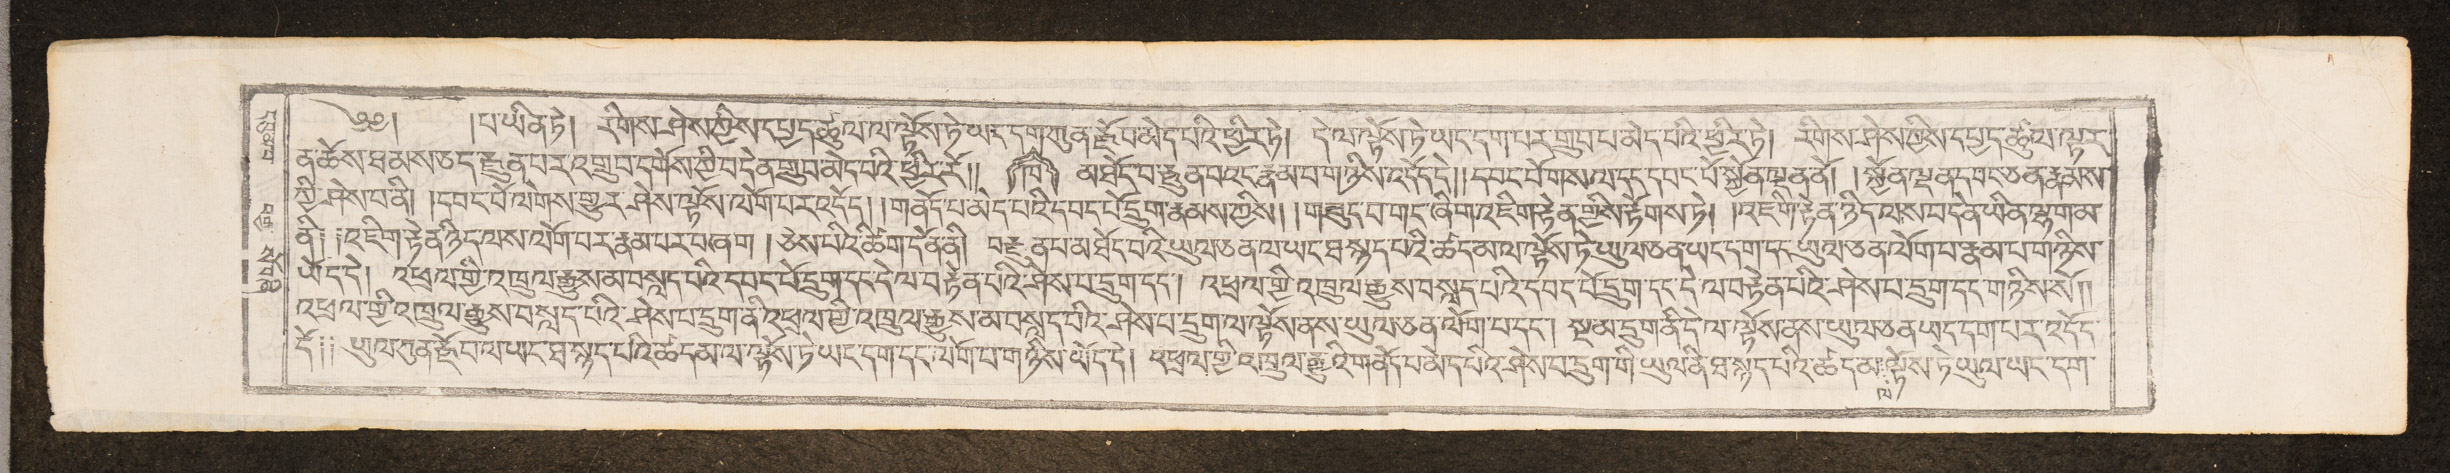༄༅། །པ་ཡིན་ཏེ། རིགས་ཤེས་ཀྱིས་དཔྱད་ཚུལ་ལ་ལྟོས་ཏེ་ཡང་དག་ཀུན་རྫོབ་མེད་པའི་ཕྱིར་ཏེ། དེ་ལ་ལྟོས་ཏེ་ཡང་དག་པར་གྲུབ་པ་མེད་པའི་ཕྱིར་ཏེ། རིགས་ཤེས་ཀྱིས་དཔྱད་ཚུལ་ལྟར་
ན་ཆོས་ཐམས་ཅད་རྫུན་པར་འགྲུབ་དགོས་ཀྱི་བདེན་གྲུབ་མེད་པའི་ཕྱིར་རོ།། ༼༽ཁ༼༽ མཐོང་བ་རྫུན་པའང་རྣམ་པ་གཉིས་འདོད་དེ། །དབང་པོ་གསལ་དང་དབང་པོ་སྐྱོན་ལྡན་ནོ། སྐྱོན་ལྡན་དབང་ཅན་རྣམས་
ཀྱི་ཤེས་པ་ནི། །དབང་པོ་ལེགས་གྱུར་ཤེས་ལྟོས་པར་འདོད། །གནོད་པ་མེད་པའི་དབང་པོ་དྲུག་རྣམས་ཀྱིས། །གཟུང་བ་གང་ཞིག་འཇིག་རྟེན་གྱིས་རྟོགས་ཏེ། འཇིག་རྟེན་ཉིད་ལས་བདེན་ཡིན་ལྷག་མ་
ནི༑ ༑འཇིག་རྟེན་ཉིད་ལས་ལོག་པར་རྣམ་པར་བཞག། །ཅེས་པའི་ཚིག་དོན་ནི། བརྫུན་པ་མཐོང་བའི་ཡུལ་ཅན་ལ་ཡང་ཐ་སྙད་པའི་ཚད་མ་ལ་ལྟོས་ཏེ་ཡུལ་ཅན་ཡང་དག་དང་ཡུལ་ཅན་ལ་སོགས་པ་རྣམ་པ་གཉིས་
ཡོད་དེ། འཕྲལ་གྱི་འཁྲུལ་རྒྱུས་མ་བསླད་པའི་དབང་པོ་དྲུག་དང་དེ་ལ་བརྟེན་པའི་ཤེས་པ་དྲུག་དང་། འཕྲལ་གྱི་འཁྲུལ་རྒྱུས་བསླད་པའི་དབང་པོ་དྲུག་དང་དེ་ལ་བརྟེན་པའི་ཤེས་པ་དྲུག་དང་གཉིས་སོ།།
འཕྲལ་གྱི་འཁྲུལ་རྒྱུས་བསླད་པའི་ཤེས་པ་དྲུག་ནི་འཕྲལ་གྱི་འཁྲུལ་རྒྱུས་མ་བསླད་པའི་ཤེས་པ་དྲུག་ལ་ལྟོས་ནས་ཡུལ་ཅན་ལོག་པ་དང་། སྔ་མ་དྲུག་ནི་དེ་ལ་ལྟོས་ནས་ཡུལ་ཅན་ཡང་དག་པར་འདོད་
དོ༑ ༑ཡུལ་ཀུན་རྫོབ་ལ་ཡང་ཐ་སྙད་པའི་ཚད་མ་ལ་ལྟོས་ཏེ་ཡང་དག་དང་ལོག་པ་གཉིས་ཡོད་དེ། འཕྲལ་གྱི་འཁྲུལ་རྒྱུའི་གནོད་པ་མེད་པའི་ཤེས་པ་དྲུག་གི་ཡུལ་ནི་ཐ་སྙད་པའི་ཚད་མ་ལ་ལྟོས་ཏེ་ཡུལ་ཡང་དག་